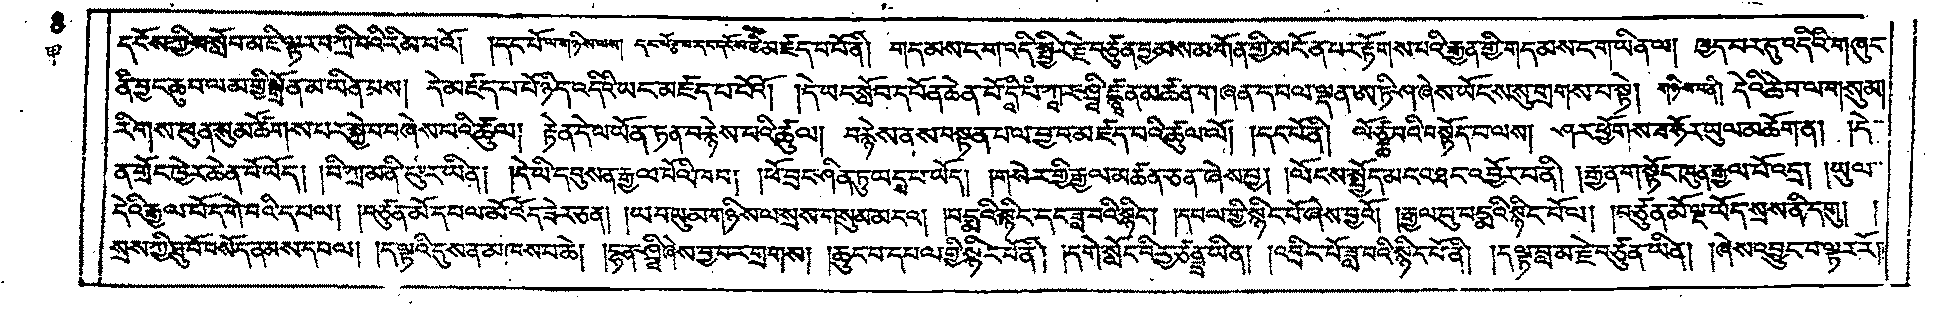དངོས་ཀྱིས་སློབ་མ་ཇི་ལྟར་བཀྲི་བའི་རིམ་པའོ། །དང་པོ་ལ་གཉིས་ལས། དང་པོ་རྩ་བ་དང་དངོས་ཀྱི་མཛད་པ་པོ་ནི། གདམས་ངག་འདི་སྤྱིར་རྗེ་བཙུན་བྱམས་མགོན་གྱི་མངོན་པར་རྟོགས་པའི་རྒྱན་གྱི་གདམས་ངག་ཡིན་ལ། ཁྱད་པར་དུ་འདིའི་གཞུང་
ནི་བྱང་ཆུབ་ལམ་གྱི་སྒྲོན་མ་ཡིན་པས། དེ་མཛད་པ་པོ་ཉིད་འདིའི་ཡང་མཛད་པ་པོའོ། །དེ་ཡང་སློབ་དཔོན་ཆེན་པོ་འདི་པཾ་ཀཱ་ར་ཤྲཱི་ཛྙཱ་ན་མཚན་གཞན་དཔལ་ལྡན་ཨ་ཏི་ཤ་ཞེས་ཡོངས་སུ་གྲགས་པ་སྟེ། གཉིས་པ་ནི།  དེའི་ཆེ་བ་ལ་གསུམ།
རིགས་ཕུན་སུམ་ཚོགས་པར་སྐྱེ་བ་བཞེས་པའི་ཚུལ། རྟེན་དེ་ལ་ཡོན་ཏན་བརྙེས་པའི་ཚུལ། བརྙེས་ནས་བསྟན་པ་ལ་བྱ་བ་མཛད་པའི་ཚུལ་ལོ། །དང་པོ་ནི། ལོ་ཙྪ་བའི་བསྟོད་པ་ལས། ཤར་ཕྱོགས་ཟ་ཧོར་ཡུལ་མཆོག་ན། །དེ་
ན་གྲོང་ཁྱེར་ཆེན་པོ་ཡོད། །བི་ཀྲ་མ་ནི་པུ་ར་ཡིན། །དེ་ཡི་དབུས་ན་རྒྱལ་པོའི་ཁབ། །ཕོ་བྲང་ཤིན་ཏུ་ཡངས་པ་ཡོད། །གསེར་གྱི་རྒྱལ་མཚན་ཅན་ཞེས་བྱ། །ལོངས་སྤྱོད་མངའ་ཐང་འབྱོར་པ་ནི། །རྒྱ་ནག་སྟོང་ཁུན་རྒྱལ་པོ་འདྲ། །ཡུལ་
དེའི་རྒྱལ་པོ་དགེ་བའི་དཔལ། །བཙུན་མོ་དཔལ་མོ་འོད་ཟེར་ཅན། །ཡབ་ཡུམ་གཉིས་ལ་སྲས་གསུམ་མངའ། །པདམའི་སྙིང་དང་ཟླ་བའི་སྙིང་། །དཔལ་གྱི་སྙིང་པོ་ཞེས་བྱའོ། །རྒྱལ་བུ་པདམའི་སྙིང་པོ་ལ། །བཙུན་མོ་ལྔ་ཡོད་སྲས་ནི་དགུ། །
སྲས་ཀྱི་ཐུ་བོ་བསོད་ནམས་དཔལ། །ད་ལྟའི་དུས་ན་མཁས་པ་ཆེ། །དྷ་ན་ཤྲཱི་ཞེས་བྱ་བར་གྲགས། །ཆུང་བ་དཔལ་གྱི་སྙིང་པོ་ནི། །དགེ་སློང་བིརྱ་ཙནྡྲ་ཡིན། །འབྲིང་པོ་ཟླ་བའི་སྙིང་པོ་ནི། །ད་ལྟ་བླ་མ་རྗེ་བཙུན་ཡིན། །ཞེས་འབྱུང་བ་ལྟར་རོ།།